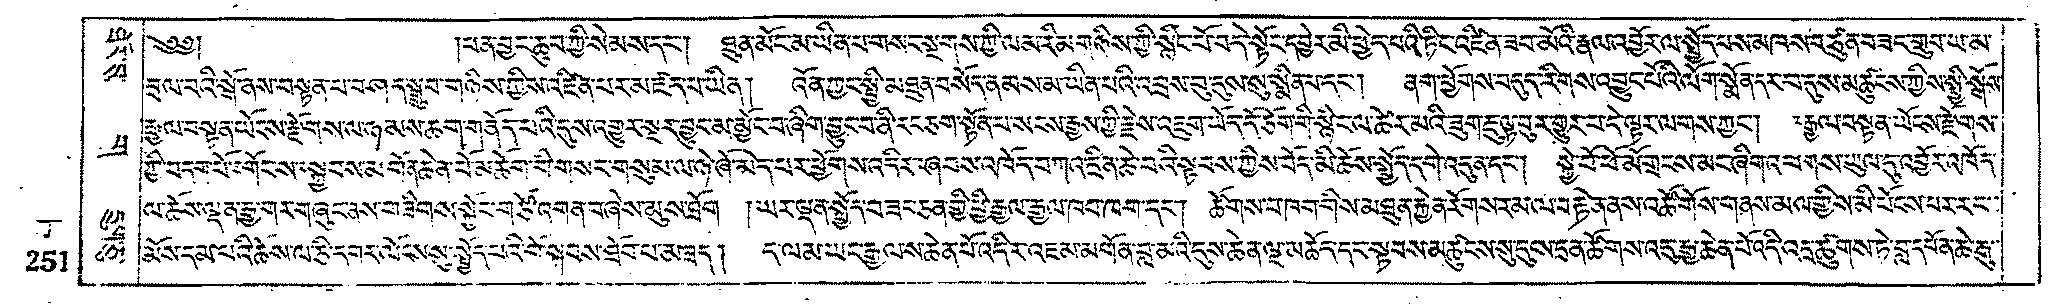༄༅། །ཕན་བྱང་ཆུབ་ཀྱི་སེམས་དང་། ཐུན་མོང་མ་ཡིན་པ་གསང་སྔགས་ཀྱི་ལམ་རིམ་གཉིས་ཀྱི་སྙིང་པོ་བདེ་སྟོང་དབྱེར་མི་ཕྱེད་པའི་ཏིང་འཛིན་ཟབ་མོའི་རྣལ་འབྱོར་ལ་སྤྱོད་པས་མཁས་བཙུན་བཟང་གྲུབ་ཡ་མ་
བྲལ་བའི་སྒོ་ནས་བསྟན་པ་བཤད་སྒྲུབ་གཉིས་ཀྱིས་འཛིན་པར་མཛད་པ་ཡིན། འོན་ཀྱང་སྤྱི་མཐུན་བསོད་ནམས་མ་ཡིན་པའི་འབྲས་བུ་དུས་སུ་སྨིན་པ་དང་། ནག་ཕྱོགས་བདུད་རིགས་འབྱུང་པོའི་ལོག་སྨོན་དར་བ་དུས་མཚུངས་ཀྱིས་སྤྱི་སྒོས་
རྒྱལ་བསྟན་ཡོངས་རྫོགས་ལ་ཉམས་ཆག་གནོད་པའི་དུས་འགྱུར་སྔར་བྱུང་མ་མྱོང་བ་ཞིག་བྱུང་བ་ནི་རང་ཅག་སྟོན་པ་སངས་རྒྱས་ཀྱི་རྗེས་འཇུག་ཡོད་དོ་ཅོག་གི་སྙིང་ལ་ཚེར་མའི་ཟུག་རྔུ་ལྟ་བུར་གྱུར་པ་དེ་ལྟར་ལགས་ཀྱང་། ༧་རྒྱལ་བསྟན་ཡོངས་རྫོགས་
ཀྱི་བདག་པོ ༧གོང་ས ༧སྐྱབས་མགོན་ཆེན་པོ་མཆོག་གི་གསང་གསུམ་ལ་ཉེ་ཞོ་མེད་པར་ཕྱོགས་འདིར ༧ཞབས་འཁོད་བཀའ་དྲིན་ཆེ་བའི་སྟབས་ཀྱིས་བོད་མི་ཆོས་སྤྱོད་དགེ་འདུན་དང་། སྐྱེ་བོ་ཕོ་མོ་གྲངས་མང་ཞིག་འཕགས་ཡུལ་དུ་འབྱོར་འཁོད་
ལ་ཆོས་ལྡན་རྒྱ་གར་གཞུང་ནས་གཟིགས་སྐྱོང་གཙོ་འགན་བཞེས་མུས་ཐོག །ཡར་ལྡན་སྤྱོད་བཟང་ཅན་གྱི་ཕྱི་རྒྱལ་རྒྱལ་ཁབ་ཁག་དང་། ཚོགས་པ་ཁག་གིས་མཐུན་རྐྱེན་རོགས་རམ་ལ་བརྟེན་ནས་འཚོ་གོས་གནས་མལ་གྱིས་མི་ཕོངས་པར་རང་་་
མོས་དམ་པའི་ཆོས་ལ་ཅི་དགར་ལོངས་སུ་སྤྱོད་པའི་གོ་སྐབས་ཐོབ་པ་མ་ཟད། ད་ལམ་ཡང་རྒྱལ་ས་ཆེན་པོ་འདིར་འཇམ་མགོན་བླ་མའི་དུས་ཆེན་ལྔ་མཆོད་དང་སྟབས་མཚུངས་སུ་དུས་དྲན་ཚོགས་འདུ་རྒྱ་ཆེན་པོ་འདི་འདྲ་ཚུགས་ཏེ་བླ་དཔོན་ཆེ་རྒུ་་་